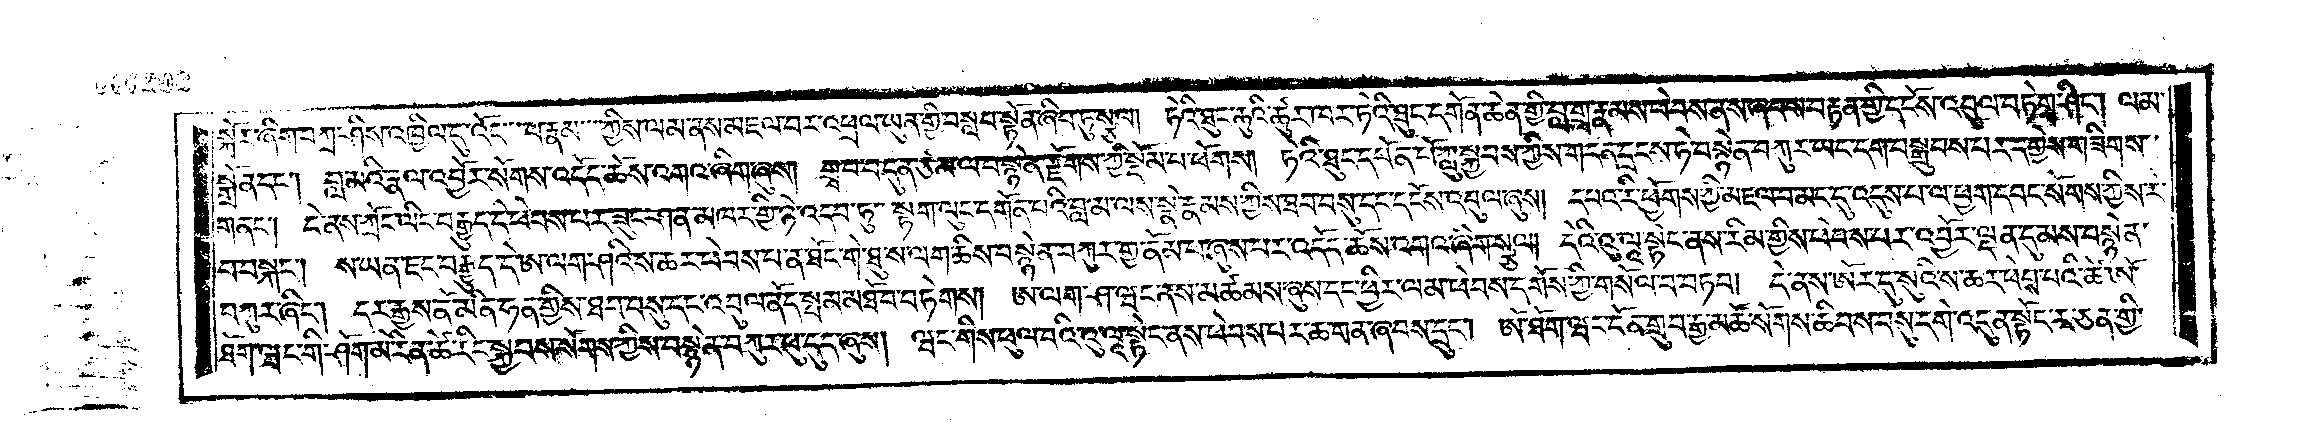སྐོར་ཞིག་བཀྲ་ཤིས་འཁྱིལ་དུ་འོང་ལ་རྣམས་ཀྱིས་ལམ་ནས་མཇལ་བར་འཕྲལ་ཡུན་གྱི་བསླབ་སྟོན་ཞིབ་ཏུ་སྩལ། ཏེའི་ཐུང་ཆུའི་ཚུར་ཁར་ཏེའི་ཐུང་དགོན་ཆེན་གྱི་བླ་གྲྭ་རྣམས་ཕེབས་ནས་ཞབས་བརྟན་གྱི་དངོས་འབུལ་བཏེགས་ཤིང་། ལམ་
སྒྲོན་དང་། བླ་མའི་རྣལ་འབྱོར་སོགས་འདོད་ཆོས་འགའ་ཞིག་ཞུས། གྲྭ་བ་བདུན་ཙམ་ལ་བསྙེན་རྫོགས་ཀྱི་སྡོམ་པ་ཕོགས། ཏེའི་ཐུང་དཔོན་པོ་ཀླུ་སྐྱབས་ཀྱིས་གདན་དྲངས་ཏེ་བསྙེན་བཀུར་ཡང་དག་བསྒྲུབས་པར་དགྱེས་གཟིགས་
གནང་། ངེ་ནས་ཀྲོང་ལིང་བརྒྱུད་དེ་ཕེབས་པར་ཟུང་ཤན་མཁར་གྱི་ཉེ་འདབ་ཏུ་སྟག་ལུང་དགོན་པའི་བླ་མ་ལས་སྣེ་རྣམས་ཀྱིས་ཐབ་བསུ་དང་དངོས་འབུལ་ཞུས། དཔའ་རི་ཕྱོགས་ཀྱི་མཇལ་བ་མང་དུ་འདུས་པ་ལ་ཕྱག་དབང་སོགས་ཀྱིས་རེ་
པ་བསྐང་། ས་ཡན་ཇང་བརྒྱུད་དེ་ཨ་ལག་ཤའི་ས་ཆར་ཕེབས་པ་ན་ཐོང་གེ་ཐུ་ས་ལག་ཆིས་བསྙེན་བཀུར་གྱ་ནོམ་པ་ཞུས་པར་འདོད་ཆོས་འགའ་ཞིག་སྩལ། དེའི་ལུ་ལཱ་སྟེང་ནས་རིམ་གྱིས་ཕེབས་པར་འབྱོར་ལྡན་དུ་མས་བསྙེན་
བཀུར་ཞིང་། དར་རྒྱས་ནོ་མིན་ཧན་གྱིས་ཐབ་བསུ་དང་འབུལ་ནོད་སྤམ་མཐོབ་བཏེགས། ཨ་ལག་ཤ་ཝང་ནས་མཚམས་ཞུས་དང་ཕྱིར་ལམ་ཕེབས་དགོས་ཀྱི་གསོལ་བ་བཏབ། དེ་ནས་ཨོར་དུ་སུའི་ས་ཆར་ཕེབས་པའི་ཚེ་ཨོ་
ཐོག་ཝང་གི་ཤོག་མེ་རིན་ཚེ་རིང་སྐྱབས་སོགས་ཀྱིས་བསྙེན་བཀུར་ཕུ་དུད་ཞུས། ཝང་གིས་ཕུལ་བའི་འུ་ལཱ་སྟེང་ནས་ཕེབས་པར་ཆ་གན་ཞབས་དྲུང་། ཨོ་ཐོག་ཝང་དོན་གྲུབ་རྒྱ་མཚོ་སོགས་ཆིབས་བསུ་དགེ་འདུན་སྟོང་རྭ་ཅན་གྱི་